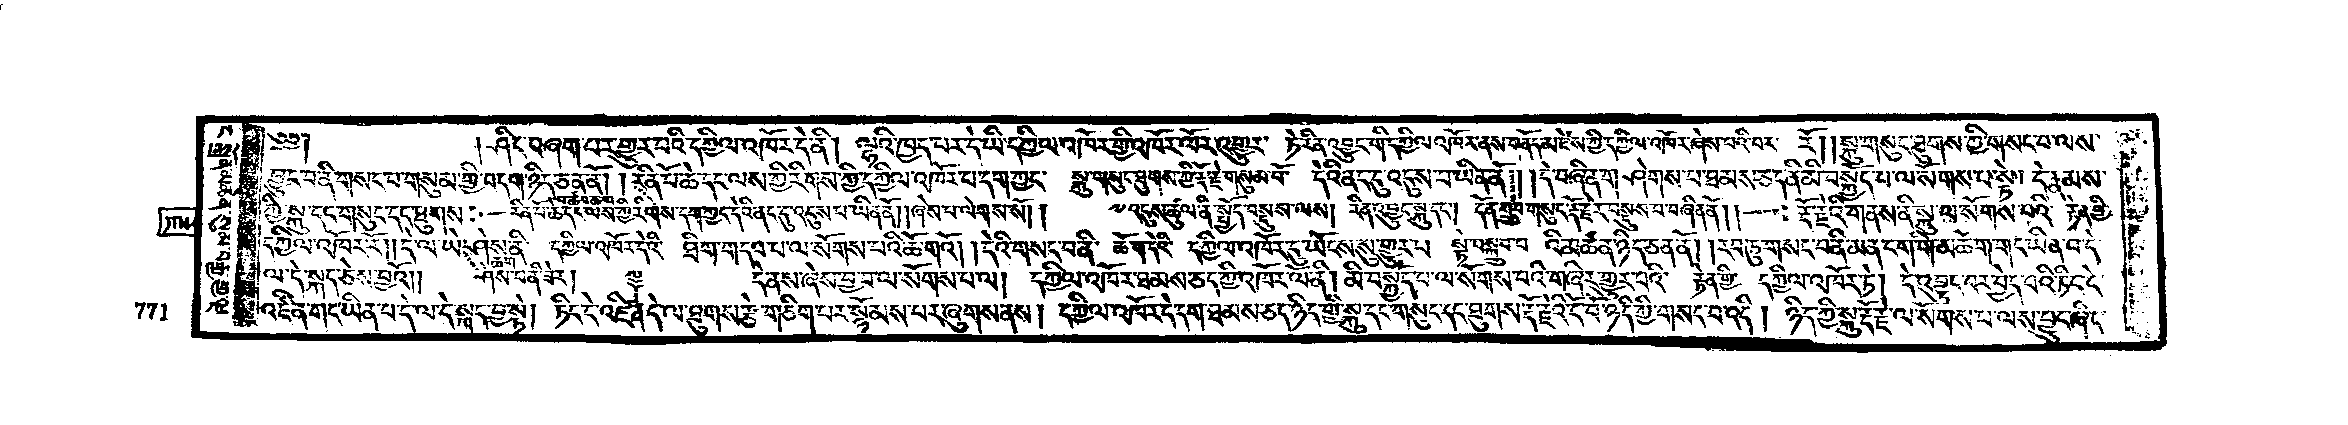༄༅། །ཤིང་བཞག་པར་གྱུར་པའི་དཀྱིལ་འཁོར་དེ་ནི། ལྷའི་ཁྱད་པར་དེ་ཡི་དཀྱིལ་འཁོར་གྱི་འཁོར་ལོར་འགྱུར་ཏེ་རིན་འབྱུང་གི་དཀྱིལ་འཁོར་ནས་གནོད་མཛེས་ཀྱི་དཀྱིལ་འཁོར་ཞེས་པའི་བར་རོ། །སྐུ་གསུང་ཐུགས་ཀྱི་གསང་བ་ལས་
བྱུང་བ་ནི་གསང་པ་གསུམ་གྱི་བདག་ཉིད་ཅན་ནོ། །རིན་པོ་ཆེ་དང་ལས་ཀྱི་རིགས་ཀྱི་དཀྱིལ་འཁོར་པ་དག་ཀྱང་སྐུ་གསུང་ཐུགས་ཀྱི་རྡོ་རྗེ་གསུམ་པོ་དེའི་ནང་དུ་འདུས་པ་ཡིན་ནོ། །དེ་བཞིན་གཤེགས་པ་ཐམས་ཅད་ནི་མི་བསྐྱོད་པ་ལ་སོགས་པ་སྟེ། དེ་རྣམས་
ཀྱི་སྐུ་དང་གསུང་དང་ཐུགསཿ་རིན་པོ་ཆེ་དང་ལས་ཀྱི་རིགས་དག་ཀྱང་དེའི་ནང་དུ་འདུས་པ་ཡིན་ནོ། །ཞེས་པ་ལེགས་སོ།། ༧འདུས་ཚུལ་ནི་སྤྱོད་བསྡུས་ལས། རིན་འབྱུང་སྐུ་དང་། དོན་གྲུབ་གསུང་རྡོ་རྗེར་བསྡུས་པ་བཞིན་ནོ། །.H རྡོ་རྗེའི་གནས་ནི་སྐུ་ལ་སོགས་པའི་རྟེན་གྱི་
དཀྱིལ་འཁོར་རོ། །དེ་ལ་ཡེ་ཤེས་ནི་དཀྱིལ་འཁོར་དེའི་ཐིག་གདབ་པ་ལ་སོགས་པའི་ཆོ་གའོ། །དེའི་གསང་བ་ནི་ཆོ་ག་དེའི་དཀྱིལ་འཁོར་དུ་ཡོངས་སུ་གྱུར་པ་སྟེ་བསྒྲུབ་པའི་མཚན་ཉིད་ཅན་ནོ། །རབ་ཏུ་གསང་བ་ནི་མན་ངག་གི་མཆོག་གང་ཡིན་པ་དེ་
ལ་དེ་སྐད་ཅེས་བྱའོ།། ཤེས་པ་ནི་ཟེར། ༈ དེ་ནས་ཞེས་བྱ་བ་ལ་སོགས་པ་ལ། དཀྱིལ་འཁོར་ཐམས་ཅད་ཀྱི་འཁོར་ལོ་ནི། མི་བསྐྱོད་པ་ལ་སོགས་པའི་གཞིར་གྱུར་པའི་རྟེན་གྱི་དཀྱིལ་འཁོར་ཏེ། དེ་འབྱུང་བར་བྱེད་པའི་ཏིང་ངེ་
འཛིན་གང་ཡིན་པ་དེ་ལ་དེ་སྐད་བྱ་སྟེ། ཏིང་ངེ་འཛིན་དེ་ལ་ཐུགས་རྩེ་གཅིག་པར་སྙོམས་པར་ཞུགས་ནས། དཀྱིལ་འཁོར་དེ་དག་ཐམས་ཅད་ཉིད་གྱི་སྐུ་དང་གསུང་དང་ཐུགས་རྡོ་རྗེའི་ངོ་བོ་ཉིད་ཀྱི་གསང་བ་འདི། ཉིད་ཀྱི་སྐུ་རྡོ་རྗེ་ལ་སོགས་པ་ལས་ཕྱུང་ཞིང་